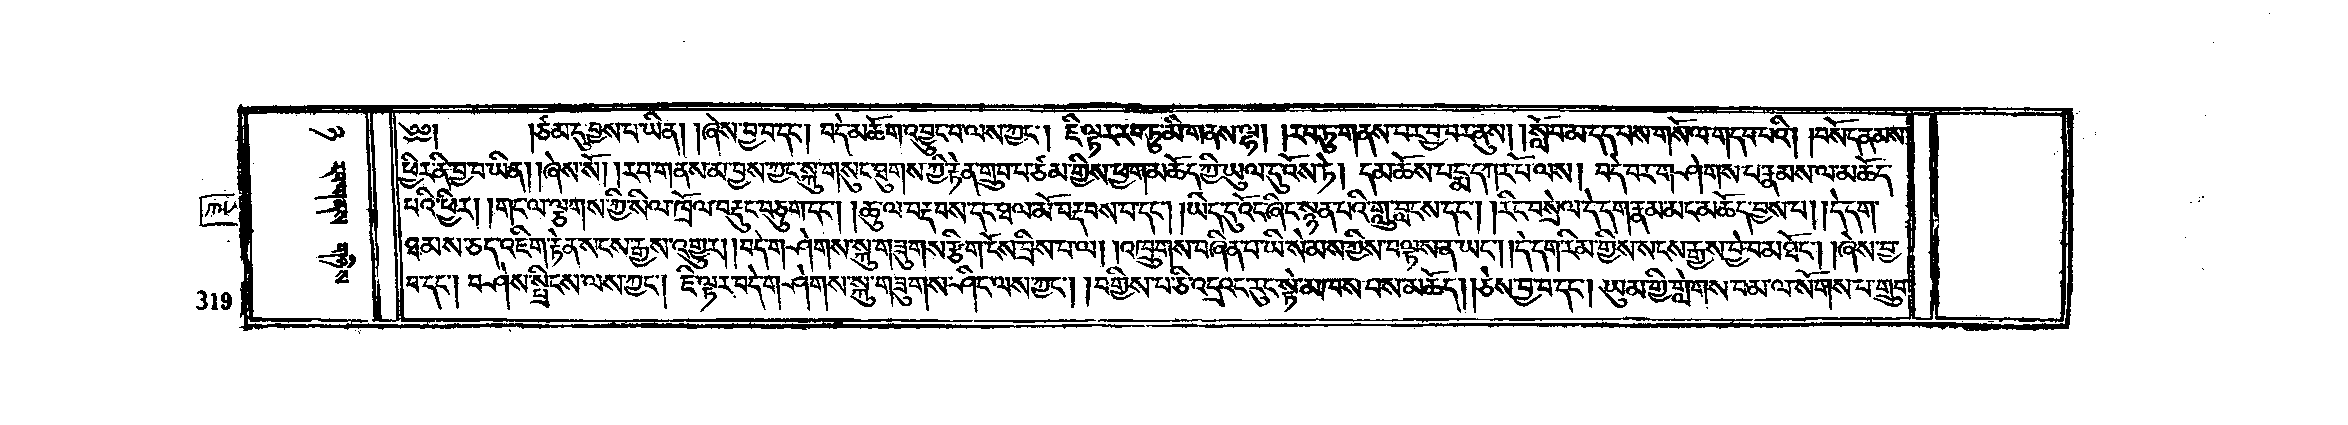༄༅། །ཙམ་དུ་བྱས་པ་ཡིན། །ཞེས་བྱ་བ་དང་། བདེ་མཆོག་འབྱུང་བ་ལས་ཀྱང་། ཇི་ལྟར་རབ་ཏུ་མི་གནས་ལྷ། །རབ་ཏུ་གནས་པར་བྱ་བར་ནུས། །སློབ་མ་དད་པས་གསོལ་གདབ་པའི། །བསོད་ནམས་
ཕྱིར་ནི་བྱ་བ་ཡིན། །ཞེས་སོ། །རབ་གནས་མ་བྱས་ཀྱང་སྐུ་གསུང་ཐུགས་ཀྱི་རྟེན་གྲུབ་པ་ཙམ་གྱིས་ཕྱག་མཆོད་ཀྱི་ཡུལ་དུ་འོས་ཏེ། དམ་ཆོས་པདམ་དཀར་པོ་ལས། བདེ་བར་གཤེགས་པ་རྣམས་ལ་མཆོད་
པའི་ཕྱིར། །གང་ལ་ལྕགས་ཀྱི་སིལ་ཁྲོལ་བརྡུང་བཅུག་དང་། །ཆུ་ལ་བརྡབས་དང་ཐལ་མོ་བརྡབས་པ་དང་། །ཡིད་དུ་འོང་ཞིང་སྙན་པའི་གླུ་བླངས་དང་། །རིང་བསྲེལ་དེ་དག་རྣམ་མང་མཆོད་བྱས་པ། །དེ་དག་
ཐམས་ཅད་འཇིག་རྟེན་སངས་རྒྱས་འགྱུར། །བདེ་གཤེགས་སྐུ་གཟུགས་རྩིག་ངོས་བྲིས་པ་ལ། །འཁྲུགས་བཞིན་པ་ཡི་སེམས་ཀྱིས་བལྟས་ན་ཡང་། །དེ་དག་རིམ་གྱིས་སངས་རྒྱས་བྱེ་བ་མཐོང་། །ཞེས་བྱ་
བ་དང་། བཤེས་སྤྲིངས་ལས་ཀྱང་། ཇི་ལྟར་བདེ་གཤེགས་སྐུ་གཟུགས་ཤིང་ལས་ཀྱང་། །བགྱིས་པ་ཅི་འདྲའང་རུང་སྟེ་མཁས་པས་མཆོད། །ཅེས་བྱ་བ་དང་། ཡུམ་གྱི་གླེགས་བམ་ལ་སོགས་པ་གྲུབ་